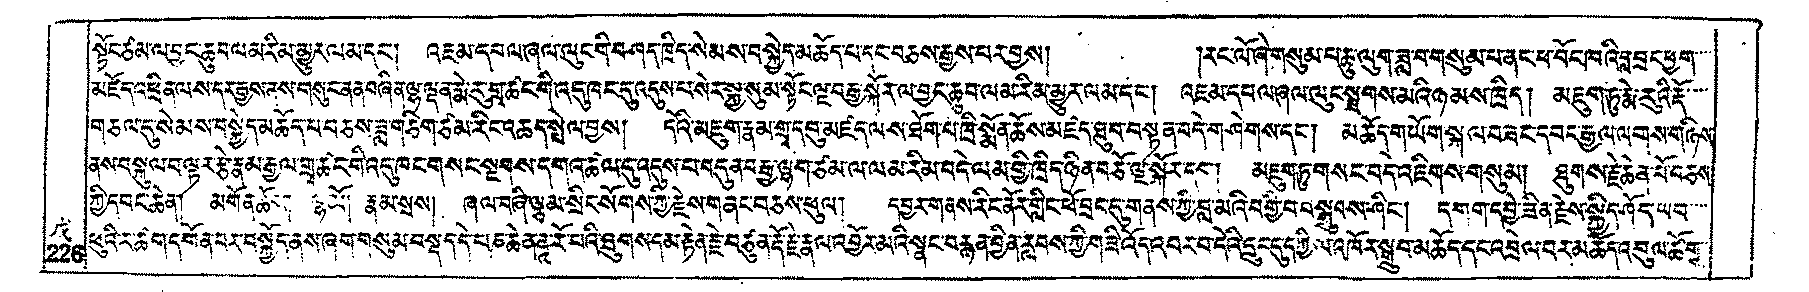སྟོང་ཙམ་ལ་བྱང་ཆུབ་ལམ་རིམ་མྱུར་ལམ་དང་། འཇམ་དཔལ་ཞལ་ལུང་གི་བཤད་ཁྲིད་སེམས་བསྐྱེད་མཆོད་པ་དང་བཅས་རྒྱས་པར་བྱས། །རང་ལོ་ཞེ་གསུམ་པ་ཆུ་ལུག་ཟླ་བ་གསུམ་པ་ནང་ཕ་བོང་ཁའི་བླ་བྲང་ཕྱག་
མཛོད་འཕྲིན་ལས་དར་རྒྱས་ནས་གསུང་ནན་བཞིན་ལྷ་ལྡན་རྨེ་རུ་གྲྭ་ཚང་གི་འདུ་ཁང་དུ་འདུས་པ་སེར་སྐྱ་སུམ་སྟོང་ལྔ་བརྒྱ་སྐོར་ལ་བྱང་ཆུབ་ལམ་རིམ་མྱུར་ལམ་དང་། འཇམ་དཔལ་ཞལ་ལུང་སྦྲགས་མའི་ཉམས་ཁྲིད། མཇུག་ཏུ་རྨེ་རུའི་རྡོ་
གཅལ་དུ་སེམས་བསྐྱེད་མཆོད་པ་བཅས་ཟླ་གཅིག་ཙམ་རིང་འཆད་སྤེལ་བྱས། དེའི་མཇུག་རྣམ་གྲྭ་དབུ་མཛད་ལས་ཐོག་པ་ཁྲི་སྨོན་ཆོས་མཛད་ཐུབ་བསྟན་བདེ་གཤེགས་དང་། མཆོད་གཡོག་སྐལ་བཟང་དབང་རྒྱལ་ལགས་གཉིས་
ནས་བསྐུལ་བ་ལྟར་རྩེ་རྣམ་རྒྱལ་གྲྭ་ཚང་གི་འདུ་ཁང་གསང་སྔགས་དགའ་ཚལ་དུ་འདུས་པ་བདུན་བརྒྱ་ལྷག་ཙམ་ལ་ལམ་རིམ་བདེ་ལམ་གྱི་ཁྲིད་ཉིན་བཅོ་ལྔ་སྐོར་དང་། མཇུག་ཏུ་གསང་བདེ་འཇིགས་གསུམ། ཐུགས་རྗེ་ཆེན་པོ་བཅས་
ཀྱི་དབང་ཆེན། མགོན་ཆོས། ལྷ་མོ། རྣམ་སྲས། ཞལ་བཞི་ལྕམ་སྲིང་སོགས་ཀྱི་རྗེས་གནང་བཅས་ཕུལ། དབྱར་གནས་རིང་ནོར་གླིང་ཕོ་བྲང་དུ་གནས་ཀྱི་བླ་མའི་བགྱི་བ་བསྒྲུབས་ཤིང་། དགག་དབྱེ་ཟིན་རྗེས་སྐྱིད་ཤོད་ཡབ་
ཕུའི་ར་ཚག་དགོན་པར་བསྐྱོད་ནས་ཞག་གསུམ་བསྡད་དེ་པཎ་ཆེན་ནཱ་རོ་པའི་ཐུགས་དམ་རྟེན་རྗེ་བཙུན་རྡོ་རྗེ་རྣལ་འབྱོར་མའི་སྣང་བརྙན་བྱིན་རླབས་ཀྱི་གཟི་འོད་འབར་བ་དེའི་དྲུང་དུ་དཀྱིལ་འཁོར་སྒྲུབ་མཆོད་དང་འབྲེལ་བར་མཆོད་འབུལ་ཚོགས་